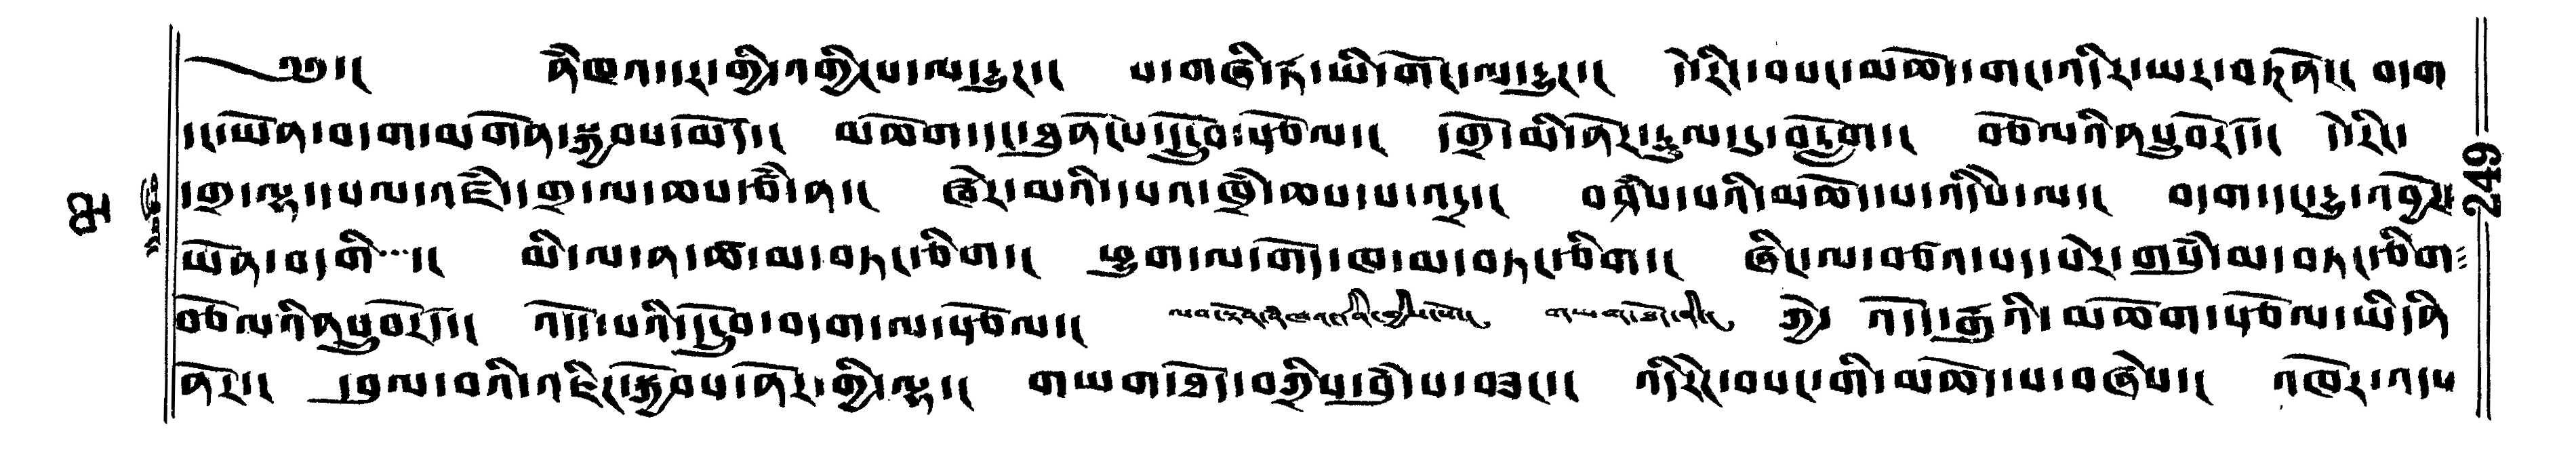།ནམ་མཁའ་དར་གྱི་འགེངས་ལ་རྒྱུགས། །ས་གཞི་རྟ་ཡི་གང་ལ་རྒྱུགས། །དེ་རིང་བསང་མཆོད་གང་འདིར་ཡར་བརྔན་ནོ། །བདག་
དང་ཡོན་བདག་མགོན་སྐྱབས་མཛོད། །མཆོག་དང་ཐུན་མོང་དངོས་གྲུབ་སྩོལ། །དགྲ་བོ་མི་ནོར་རྡུལ་དུ་རློགས། །བཅོལ་བའི་ཕྲིན་ལས་གྲུབ་པར་མཛོད། །དེ་རིང་
དགྲ་ལྷ་དཔལ་འཛམ་དགྲ་ལ་ཆས་ཙ་ན། །ཝེར་མའི་དཔའ་ཁྲོམ་ཆས་པ་འདྲ། །བཤམས་པའི་མཆོད་པ་འདི་བཞེས་ལ། །བདག་དང་རྒྱུ་སྦྱོར་
ཡོན་བདག་གི །མི་ལ་ན་ཚ་མ་བཏང་ཅིག །ཕྱུགས་ལ་གོད་ཁ་མ་བཏང་ཅིག །ཞིང་ལ་བཙའ་སད་སེར་གསུམ་མ་བཏང་ཅིག །
བཅོལ་བའི་ཕྲིན་ལས་གྲུབ་པར་མཛོད། །འདོད་པའི་དངོས་གྲུབ་བདག་ལ་སྩོལ། ལབ་སྟོན་ནམ་མཁའ་རིན་ཆེན་གྱིས་སོ།། གཡག་ཐོད་ནི། ཀྱཻ། །འདོད་རྒུའི་མཆོག་སྩོལ་ཡིད་བཞིན་
ནོར། །དབུལ་བའི་འཇིགས་སྐྱོབ་ནོར་གྱི་ལྷ། །གཡག་ཐོད་བཀྲ་ཤིས་བུམ་པ་བཟང་། །འདིར་བཤེགས་བསང་གི་མཆོད་པ་བཞེས། །འཁོར་འདས་